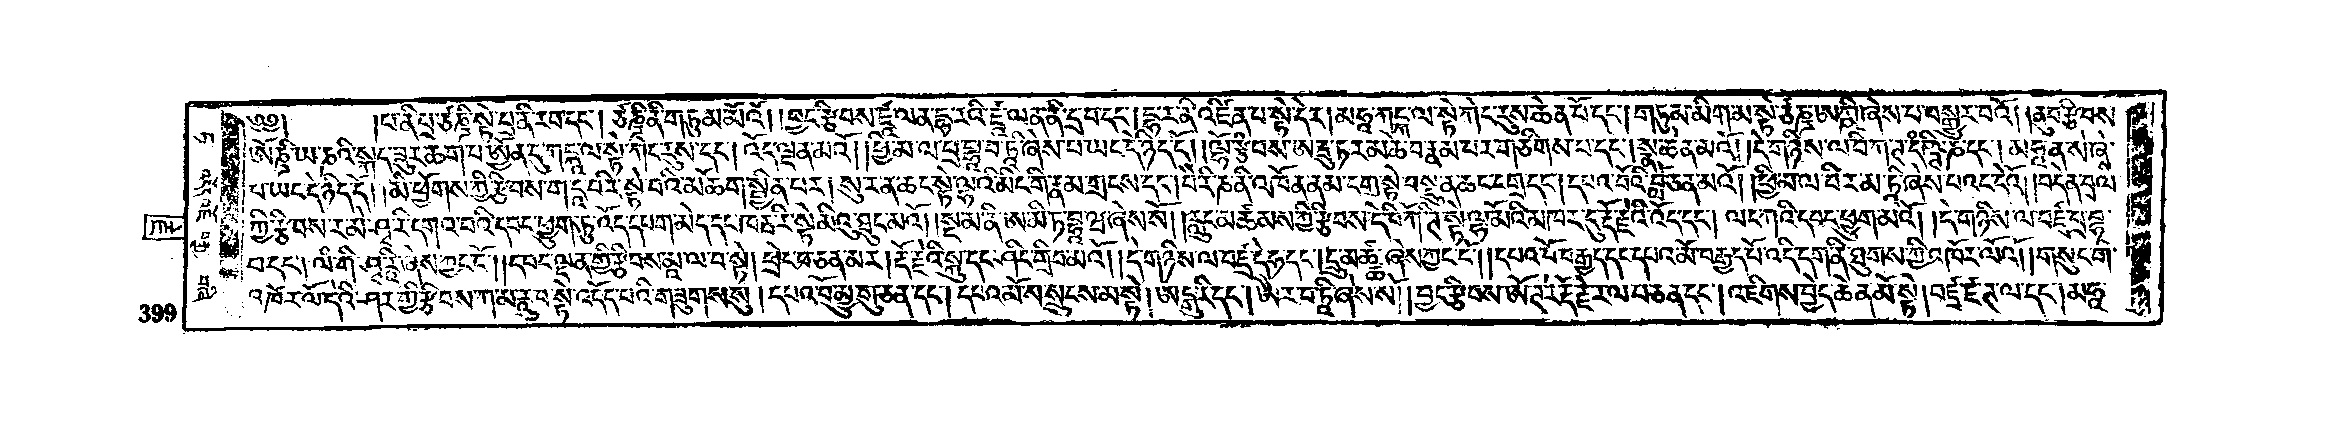༄༅། །པ་ནི་པྲ་ཙཎྜི་སྟེ་པྲ་ནི་རབ་དང་། ཙཎྜི་ནི་གཏུམ་མོའོ། །བྱང་རྩིབས་ཛཱ་ལན་དྷ་རའི་ཛཱ་ལན་ནི་དྲ་བ་དང་། དྷ་ར་ནི་འཛིན་པ་སྟེ་དེར། མཧཱ་ཀངྐ་ལ་སྟེ་སྟེ་ཀེང་རུས་ཆེན་པོ་དང་། གཏུམ་མིག་མ་སྟེ་ཙཎྜ་ཨཀྵི་ཞེས་པ་བསྒྱུར་བའོ། །ནུབ་རྩིབས་
ཨོཎྜི་ཡ་ཎའི་སྐད་ཟུར་ཆག་པ་ཨཡོན་དུ་ཀངྐཱ་ལ་སྟེ་ཀེང་རུས་དང་། འོད་ལྡན་མའོ། །ཕྱི་མ་ལ་པྲ་བྷཱ་བ་ཏཱི་ཞེས་པ་ཡང་དེ་ཉིད་དོ། །ལྷོ་རྩིབས་ཨརྦུ་ཏར་མཆེ་བ་རྣམ་པར་གཙིགས་པ་དང་། སྣ་ཆེན་མའོ། །དེ་གཉིས་ལ་བི་ཀ་ཊ་དཾཥྚི་ཎ་དང་། མཧཱ་ནས་སེ་ཞེས་
པ་ཡང་དེ་ཉིད་དོ། །མེ་ཕྱོགས་ཀྱི་རྩིབས་གོ་ཌཱ་བ་རི་སྟེ་བའི་མཆོག་སྦྱིན་པར། སུ་ར་ན་ཆང་སྟེ་ལྷའི་མིང་གི་རྣམ་གྲངས་དང་། བཻ་རི་ཎ་ནི་འཁོན་ནམ་དགྲ་སྟེ་བསྡུ་ན་ཆང་དགྲ་དང་། དཔའ་བོའི་བློ་ཅན་མའོ། །ཕྱི་མ་ལ་བི་ར་མ་ཏཱི་ཞེས་པའང་དེའོ། །བདེན་བྲལ་
གྱི་རྩིབས་ར་མེ་ཤྭ་རི་དགའ་བའི་དབང་ཕྱུག་ཏུ་འོད་དཔག་མེད་དང་ཁརྦ་རི་སྟེ་མིའུ་ཐུང་མའོ། །སྔ་མ་ནི་ཨ་མི་ཏ་བྷཱ་ཝ་ཞེས་སོ། །རླུང་མཚམས་ཀྱི་རྩིབས་དེ་བི་ཀོ་ཊི་སྟེ་ལྷ་མོའི་མཁར་དུ་རྡོ་རྗེའི་འོད་དང་། ལང་ཀའི་དབང་ཕྱུག་མའོ། །དེ་གཉིས་ལ་བཛྲ་པྲ་བྷ་
བ་དང་། ལཾ་ཀི་ཤྭ་རཱི་ཞེས་ཀྱང་ངོ། །དབང་ལྡན་གྱི་རྩིབས་མཱ་ལ་བ་སྟེ། ཕྲེང་བ་ཅན་མར། རྡོ་རྗེའི་སྐུ་དང་ཤིང་གྲིབ་མའོ། །དེ་གཉིས་པ་བཛྲ་དེ་ཧ་དང་། དྲུ་མཚ་ཚ་ཞེས་ཀྱང་ངོ། །དཔའ་བོ་བརྒྱད་དང་དཔའ་མོ་བརྒྱད་པོ་འདི་དག་ནི་ཐུགས་ཀྱི་འཁོར་ལོའོ། །གསུང་གི་
འཁོར་ལོ་དེའི་ཤར་གྱི་རྩིབས་ཀ་མ་རཱུ་བ་སྟེ་འདོད་པའི་གཟུགས་སུ། དཔའ་བོ་མྱུ་གུ་ཅན་དང་། དཔའ་མོ་ས་སྲུངས་མ་སྟེ། ཨངྒུ་རི་དང་། ཨཻ་ར་བ་ཏཱི་ཞེས་སོ། །བྱང་རྩིབས་ཨོ་ཊེ་ར་རྡོ་རྗེ་རལ་པ་ཅན་དང་། འཇིགས་བྱེད་ཆེན་མོ་སྟེ། བཛྲ་ཛ་ཊ་ལ་དང་། མཧཱ་